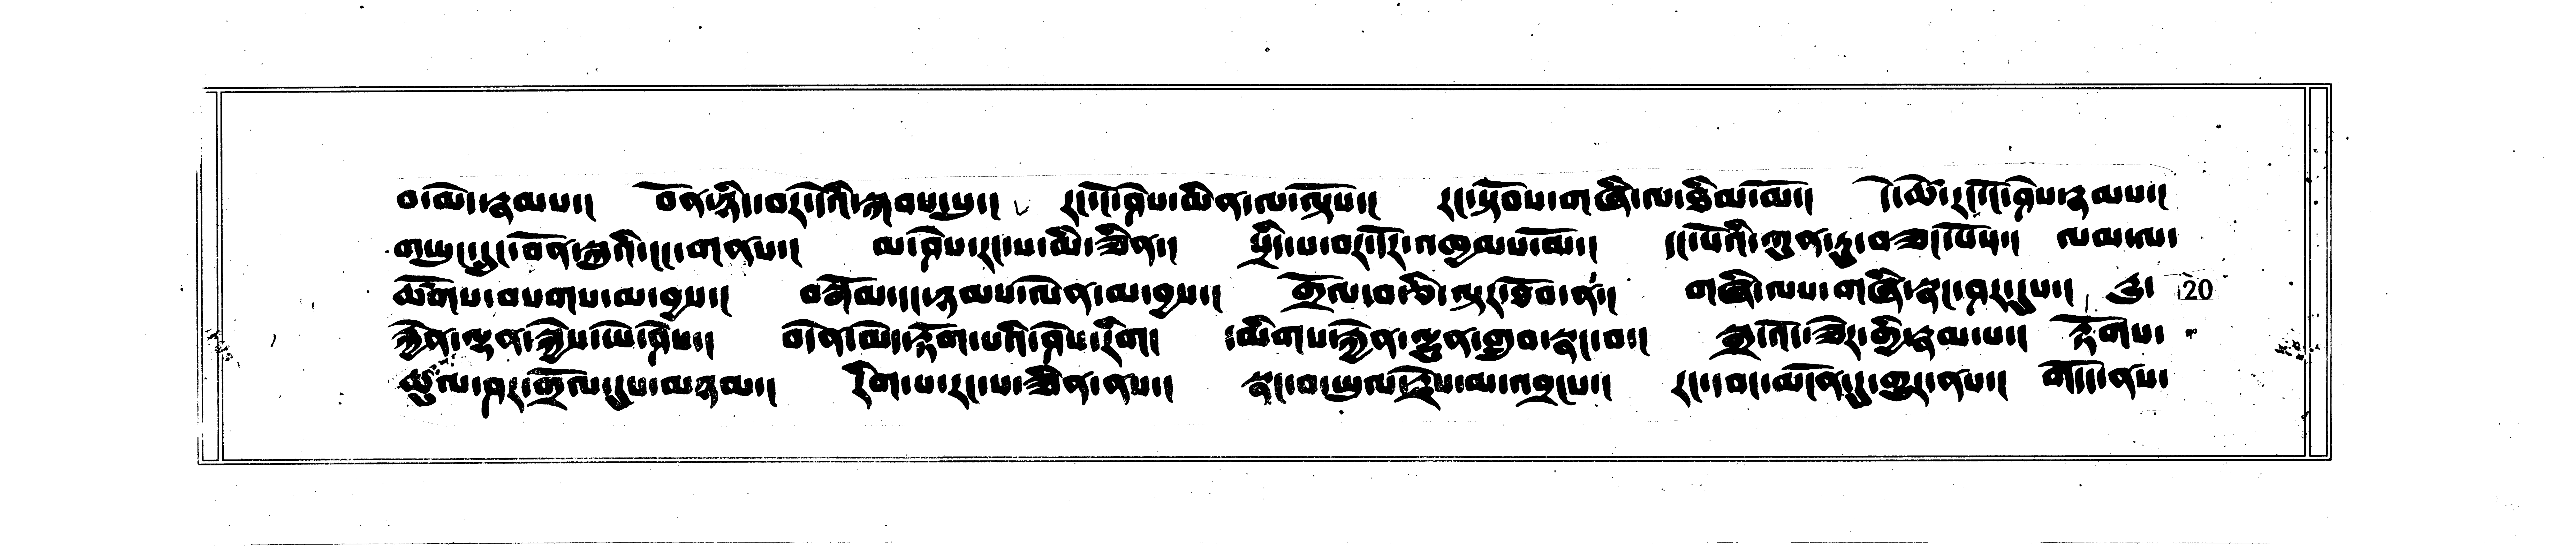བ་མེད་རྣམས། །བོན་ཉིད་བར་དོའི་སྐབས་སུ། །རང་ངོ་ཤེས་མིན་ལ་ལྟོས། །རང་སྟོབས་གཞི་ལ་ཐིམ་མོ། །དེ་ཚེ་རང་ངོ་ཤེས་རྣམས། །
གཡུང་དྲུང་བོན་སྐུའི་ངང་གནས། །མ་ཤེས་རང་ས་མི་ཟིན། །སྲིད་པ་བར་དོར་འཁྱམ་མོ། །དང་པོའི་ཀུན་ཏུ་བཟང་པོས། །ལམ་ལ་
ཚོགས་བསགས་མ་བྱས། །བསྒོམ་དང་ཉམས་ལེན་མ་བྱས། །གྲོལ་བ་ཅི་ལྟར་ཐོབ་ན། །གཞི་ལས་གཞི་སྣང་ཤར་དུས། །རྒྱུ་
རྐྱེན་ལྷན་སྐྱེས་ཡེ་ཤེས། །བདེན་མེད་རྟོགས་པའི་ཤེས་རིག། དམིགས་རྐྱེན་ལྷུན་གྲུབ་སྣང་བ། །སྒྲ་འོད་ཟེར་གྱི་རྣམ་པ། །རྟོགས་
ཚུལ་ཤར་གྲོལ་དུས་མཉམ། །རིག་པ་རང་ས་ཟིན་ནས། །སྣང་བ་ཡུལ་རྗེས་མ་འབྲང་། །རང་དབང་མངོན་དུ་གྱུར་ནས། །གདོད་ནས་